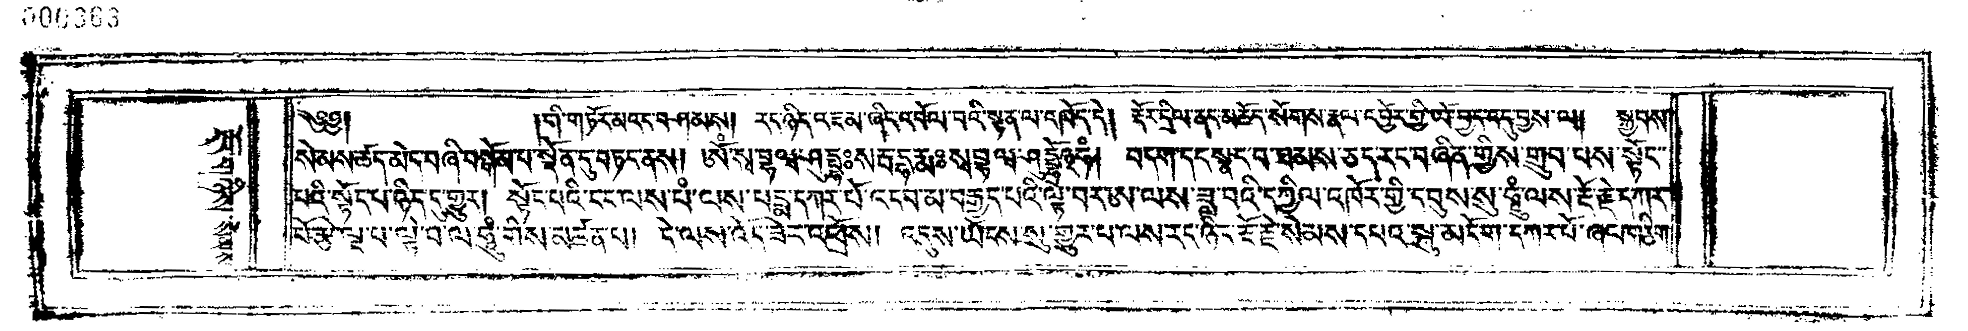༄༅། །གི་གཏོར་མའང་བཤམས། རང་ཉིད་འཇམ་ཞིང་འབོལ་བའི་སྟན་ལ་འཁོད་དེ། རྡོར་དྲིལ་ནང་མཆོད་སོགས་རྣལ་འབྱོར་གྱི་ཡོ་བྱད་འདུ་བྱས་ལ། སྐྱབས་
སེམས་ཚད་མེད་བཞི་བསྒོམ་པ་སྔོན་དུ་བཏང་ནས། ཨོཾ་སྭ་བྷ་ཝ་ཤུདྡྷཿ སརྦ་དྷརྨཿ སྭ་བྷ་ཝ་ཤུདྡྷོཉྷཾ། བདག་དང་སྣང་བ་ཐམས་ཅད་རང་བཞིན་གྱིས་གྲུབ་པས་སྟོང་
པའི་སྟོང་པ་ཉིད་དུ་གྱུར། སྟོང་པའི་ངང་ལས་པཾ་ལས་པདམ་དཀར་པོ་འདབ་མ་བརྒྱད་པའི་ལྟེ་བར་ཨ་ལས་ཟླ་བའི་དཀྱིལ་འཁོར་གྱི་དབུས་སུ་ཧཱུཾ་ལས་རྡོ་རྗེ་དཀར་པོ་རྩེ་ལྔ་པ་ལྟེ་བ་ལ་ཧཱུཾ་གིས་མཚན་པ། དེ་ལས་འོད་ཟེར་འཕྲོས། འདུས་ཡོངས་སུ་གྱུར་པ་ལས་རང་ཉིད་རྡོ་རྗེ་སེམས་དཔའ་སྐུ་མདོག་དཀར་པོ་ཞལ་གཅིག་